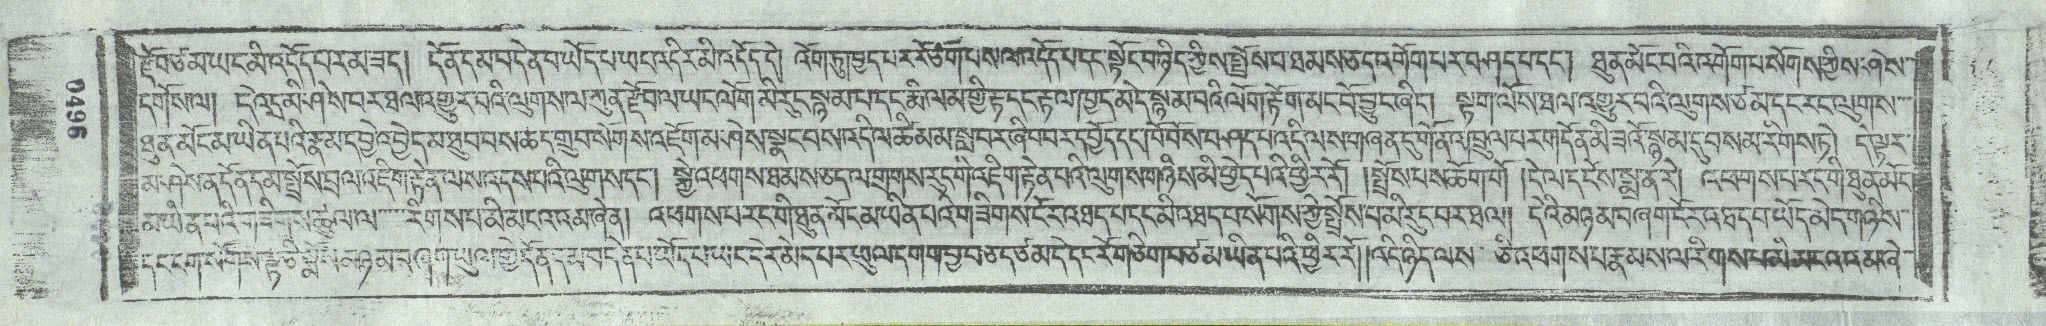རྫོབ་ཙམ་ཡང་མི་འདོད་པར་མ་ཟད། དོན་དམ་བདེན་པ་ཡོད་པ་ཡང་འདིར་མི་འདོད་དེ། འོག་ཏུ་ཁྱད་པར་རོ་ཅོག་བསལ་འདོད་པ་དང་སྟོང་པ་ཉིད་ཀྱིས་སྤྲོས་པ་ཐམས་ཅད་འགོག་པར་བཤད་པ་དང་། ཐུན་མོང་བའི་འགོག་པ་སོགས་ཀྱིས་ཤེས་
དགོས་ལ། དེ་འདྲ་མི་ཤེས་པར་ཐལ་འགྱུར་བའི་ལུགས་ལ་ཀུན་རྫོབ་ལ་ཡང་ལོག་མི་རུང་སྙམ་པ་དང་རྨི་ལམ་གྱི་རྟ་དང་རྟ་ལ་ཁྱད་མེད་སྙམ་པའི་ལོག་རྟོག་མང་པོ་བྱུང་ཞིང་། སྟག་ལོས་ཐལ་འགྱུར་པའི་ལུགས་ཙམ་དང་རང་ལུགས་
ཐུན་མོང་མ་ཡིན་པའི་རྣམ་དབྱེ་འབྱེད་མ་ཐུབ་བས་ཚད་གྲུབ་སོགས་འཇོག་མ་ཤེས་སྣང་བས། འདི་ལ་ཚིམ་མ་སླ་བར་ཞིབ་བར་དཔྱོད་དང་ཁོ་བོས་བཤད་པ་འདི་ལས་གཞན་དུ་གོ་ན་འཁྲུལ་བར་གདོན་མི་ཟའོ་སྙམ་དུ་བསམ་རིགས་ཏེ། དེ་ལྟར་
མ་ཤེས་ན་དོན་དམ་སྤྲོས་བྲལ་འཇིག་རྟེན་ལས་འདས་པའི་ལུགས་དང་། སྐྱེ་འཕགས་ཐམས་ཅད་ལ་གྲགས་རུང་གི་འཇིག་རྟེན་པའི་ལུགས་གཉིས་མི་ཕྱེད་པའི་ཕྱིར་རོ། །སྤྲོས་པས་ཆོག་གོ །དེ་ལ་དངོས་སྨྲ་ན་རེ། འཕགས་པ་རང་གི་ཐུན་མོང་
མ་ཡིན་པའི་གཟིགས་ཚུལ་ལ་རིགས་པ་མི་མངའ་འམ་ཞེ་ན། འཕགས་པ་རང་གི་ཐུན་མོང་མ་ཡིན་པའི་གཟིགས་ངོར་འཐད་པ་དང་མི་འཐད་པ་སོགས་ཀྱི་སྤྲོས་པ་མི་རུང་བར་ཐལ། དེའི་མཉམ་བཞག་ངོར་འཐད་པ་ཡོད་མེད་གཉིས་
དང་ངག་སོགས་ལྟ་ཅི་སྨོས་མཉམ་བཞག་ཡུལ་གྱི་དོན་དམ་བདེན་པ་ཡོད་པ་ཡང་དེར་མེད་པར་ཡུལ་དགག་བྱ་བཅད་ཙམ་དེ་དང་རོ་གཅིག་པ་ཙམ་ཡིན་པའི་ཕྱིར་རོ། །འདི་ཉིད་ལས། ཅི་འཕགས་པ་རྣམས་ལ་རིགས་པ་མི་མངའ་འམ་ཞེ་